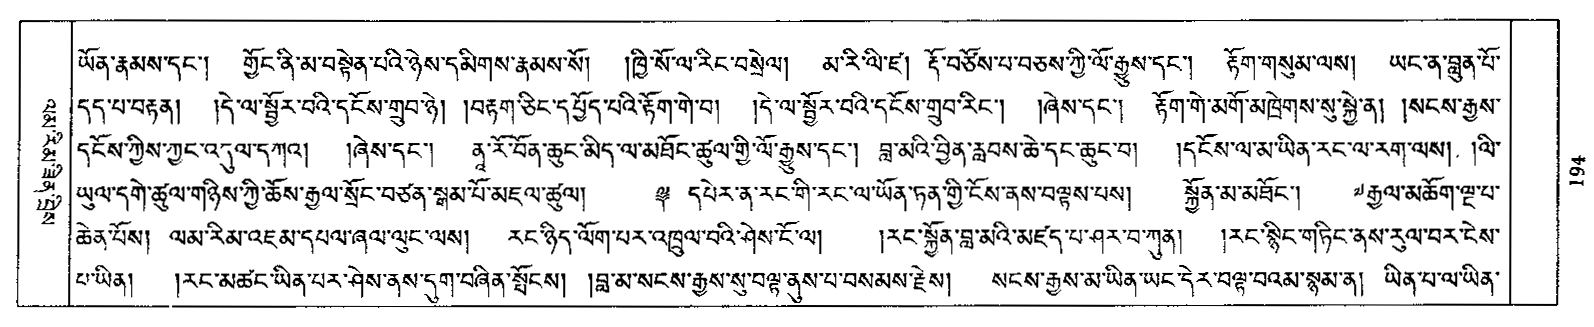ཡོན་རྣམས་དང་། གྱོང་ནི་མ་བསྟེན་པའི་ཉེས་དམིགས་རྣམས་སོ། །ཁྱི་སོ་ལ་རིང་བསྲེལ། མ་རི་ལི་ཛ། རྡོ་བཙོས་པ་བཅས་ཀྱི་ལོ་རྒྱུས་དང་། རྟོག་གསུམ་ལས། ཡང་ན་བླུན་པོ་
དད་པ་བརྟན། །དེ་ལ་སྦྱོར་བའི་དངོས་གྲུབ་ཉེ། །བརྟག་ཅིང་དཔྱོད་པའི་རྟོག་གེ་བ། །དེ་ལ་སྦྱོར་བའི་དངོས་གྲུབ་རིང་། །ཞེས་དང་། རྟོག་གེ་མགོ་མཁྲེགས་སུ་སྐྱེ་ན། །སངས་རྒྱས་
དངོས་ཀྱིས་ཀྱང་འདུལ་དཀའ། །ཞེས་དང་། ནཱ་རོ་བོན་ཆུང་མིད་ལ་མཐོང་ཚུལ་གྱི་ལོ་རྒྱུས་དང་། བླ་མའི་བྱིན་རླབས་ཆེ་དང་ཆུང་བ། །དངོས་ལ་མ་ཡིན་རང་ལ་རག་ལས། །ལི་
ཡུལ་དགེ་ཚུལ་གཉིས་ཀྱི་ཆོས་རྒྱལ་སྲོང་བཙན་སྒམ་པོ་མཇལ་ཚུལ། ༈ དཔེར་ན་རང་གི་རང་ལ་ཡོན་ཏན་གྱི་ངོས་ནས་བལྟས་པས། སྐྱོན་མ་མཐོང་། ༧རྒྱལ་མཆོག་ལྔ་པ་
ཆེན་པོས། ལམ་རིམ་འཇམ་དཔལ་ཞལ་ལུང་ལས། རང་ཉིད་ལོག་པར་འཁྲུལ་བའི་ཤེས་ངོ་ལ། །རང་སྐྱོན་བླ་མའི་མཛད་པ་ཤར་བ་ཀུན། །རང་སྙིང་གཏིང་ནས་རུལ་བར་ངེས་
པ་ཡིན། །རང་མཚང་ཡིན་པར་ཤེས་ནས་དུག་བཞིན་སྤོངས། །བླ་མ་སངས་རྒྱས་སུ་བལྟ་ནུས་པ་བསམས་རྗེས། སངས་རྒྱས་མ་ཡིན་ཡང་དེར་བལྟ་བའམ་སྙམ་ན། ཡིན་པ་ལ་ཡིན་